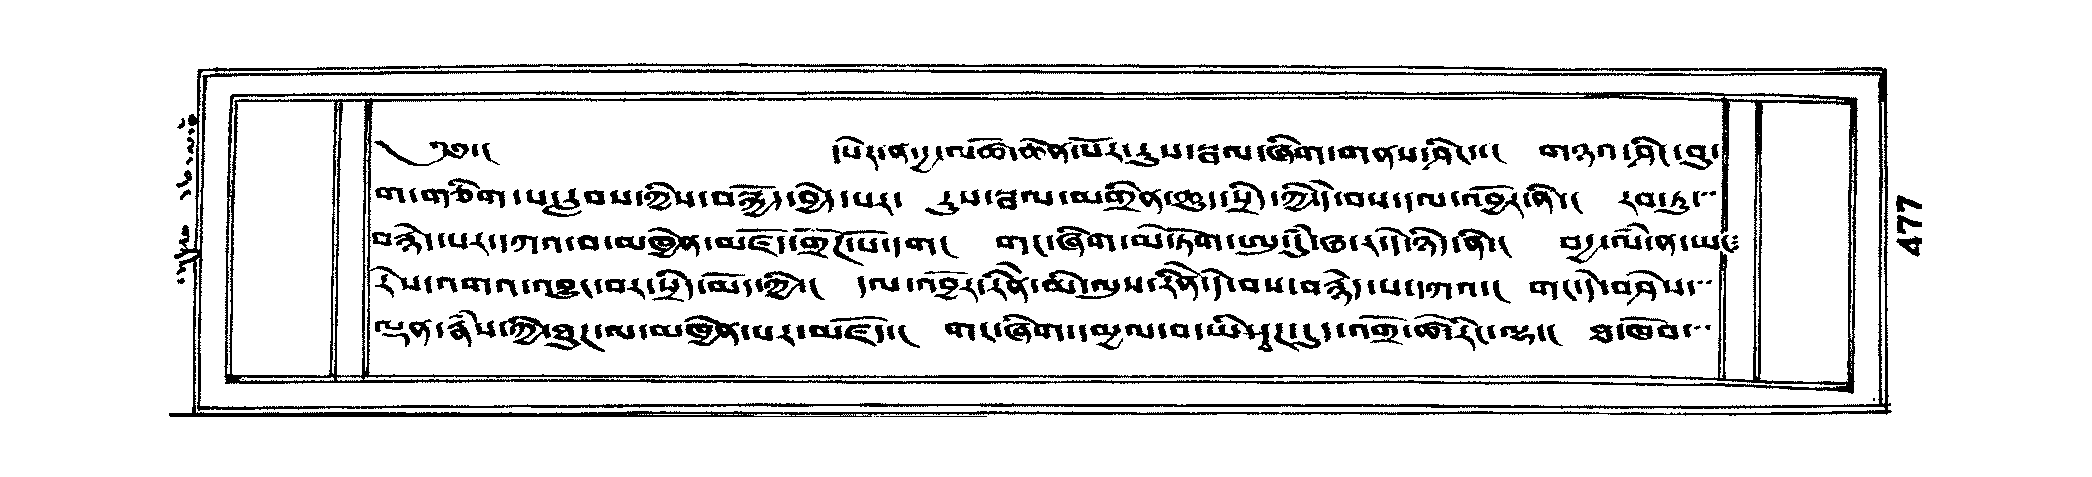།དཔེར་ན་རྒྱ་མཚོ་ཆེན་པོར་རུས་སྦལ་ཞིག་གནས་ཤིང་། །གཉའ་ཤིང་བུ་
ག་གཅིག་པ་རླབས་ཀྱི་བསྐྱོད་བྱེད་པར། །རུས་སྦལ་མགྲིན་ཆུད་སྲིད་ཀྱི་དེ་བས་དལ་འབྱོར་ནི། །རབ་ཏུ་
བརྙེད་པར་དཀའ་བ་མཁྱེན་མཛོད་གྲོགས་པོ་དག །གང་ཞིག་མེ་ཏོག་ཨུ་དུམ་ཝ་ར་དེ་ཉིད་ནི། །བརྒྱ་ལམ་ན་ཡང་
རེས་འགའ་འབྱུང་བར་སྲིད་མོད་ཀྱི། །དལ་འབྱོར་མི་ལུས་རིན་ཆེན་དེ་བས་བརྙེད་པ་དཀའ། །གང་དེ་ཤེས་
ལྡན་རྣམས་ཀྱི་ཐུགས་ལ་མཁྱེན་པར་མཛོད། །གང་ཞིག་དམྱལ་བ་ཡི་དྭགས་དུད་འགྲོ་ཚེ་རིང་ལྷ། མཐའ་ཁོབ་